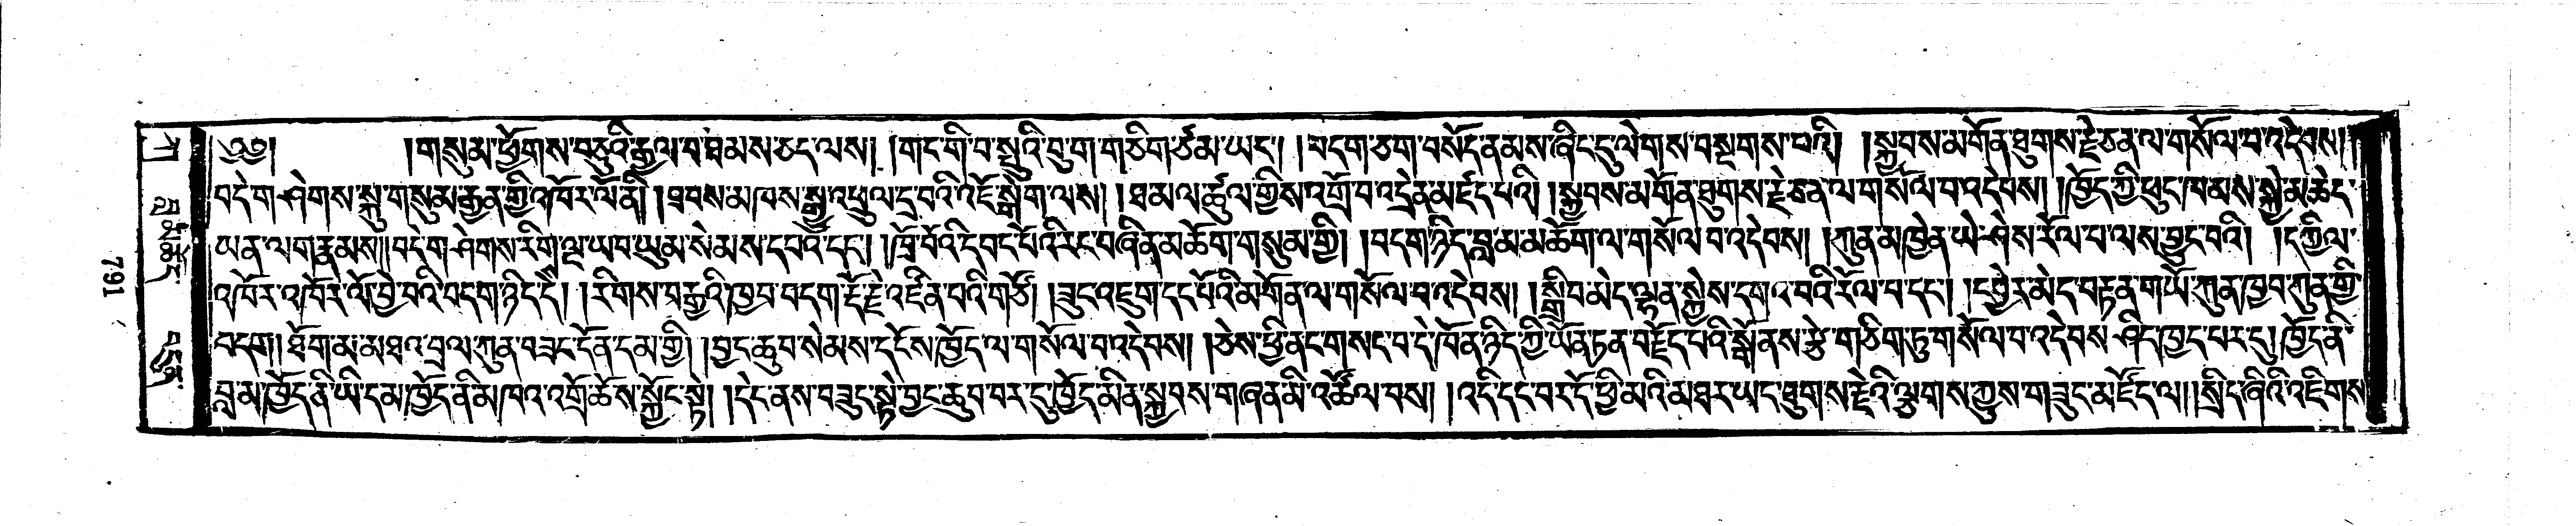༄༅། །གསུམ་ཕྱོགས་བཅུའི་རྒྱལ་བ་ཐམས་ཅད་ལས། །གང་གི་བ་སྤུའི་བུ་ག་གཅིག་ཙམ་ཡང་། །བདག་ཅག་བསོད་ནམས་ཞིང་དུ་ལེགས་བསྔགས་པའི། །སྐྱབས་མགོན་ཐུགས་རྗེ་ཅན་ལ་གསོལ་བ་འདེབས། །
བདེ་གཤེགས་སྐུ་གསུམ་རྒྱན་གྱི་འཁོར་ལོ་ནི། །ཐབས་མཁས་སྒྱུ་འཕྲུལ་དྲ་བའི་འཇོ་སྒེག་ལས། །ཐ་མལ་ཚུལ་གྱིས་འགྲོ་བ་འདྲེན་མཛད་པའི། །སྐྱབས་མགོན་ཐུགས་རྗེ་ཅན་ལ་གསོལ་བ་འདེབས། །ཁྱོད་ཀྱི་ཕུང་ཁམས་སྐྱེ་མཆེད་
ཡན་ལག་རྣམས། །བདེ་གཤེགས་རིག་ལྔ་ཡབ་ཡུམ་སེམས་དཔའ་དང་། །ཁྲོ་བོའི་དབང་པོའི་རང་བཞིན་མཆོག་གསུམ་གྱི། །བདག་ཉིད་བླ་མ་མཆོག་ལ་གསོལ་བ་འདེབས། །ཀུན་མཁྱེན་ཡེ་ཤེས་རོལ་པ་ལས་བྱུང་བའི། །དཀྱིལ་
འཁོར་འཁོར་ལོ་བྱེ་བའི་བདག་ཉིད་དེ། །རིགས་བརྒྱའི་ཁྱབ་བདག་རྡོ་རྗེ་འཛིན་པའི་གཙོ། །ཟུང་འཇུག་དང་པོའི་མགོན་ལ་གསོལ་བ་འདེབས། །སྒྲིབ་མེད་ལྷན་སྐྱེས་དགའ་བའི་རོལ་པ་དང་། །དབྱེར་མེད་བརྟན་གཡོ་ཀུན་ཁྱབ་ཀུན་གྱི་
བདག །ཐོག་མ་མཐའ་བྲལ་ཀུན་བཟང་དོན་དམ་གྱི། །བྱང་ཆུབ་སེམས་དངོས་ཁྱོད་ལ་གསོལ་བ་འདེབས། །ཅེས་ཕྱི་ནང་གསང་བ་དེ་ཁོ་ན་ཉིད་ཀྱི་ཡོན་ཏན་བརྗོད་པའི་སྒོ་ནས་རྩེ་གཅིག་ཏུ་གསོལ་བ་འདེབས་ཤིང་ཁྱད་པར་དུ། ཁྱོད་ནི་
བླ་མ་ཁྱོད་ནི་ཡི་དམ་ཁྱོད་ནི་མཁའ་འགྲོ་ཆོས་སྐྱོང་སྟེ། །དེང་ནས་བཟུང་སྟེ་བྱང་ཆུབ་བར་དུ་ཁྱོད་མིན་སྐྱབས་གཞན་མི་འཚོལ་བས། །འདི་དང་བར་དོ་ཕྱི་མའི་མཐར་ཡང་ཐུགས་རྗེའི་ལྕགས་ཀྱུས་གཟུང་མཛོད་ལ། །སྲིད་ཞིའི་འཇིགས་